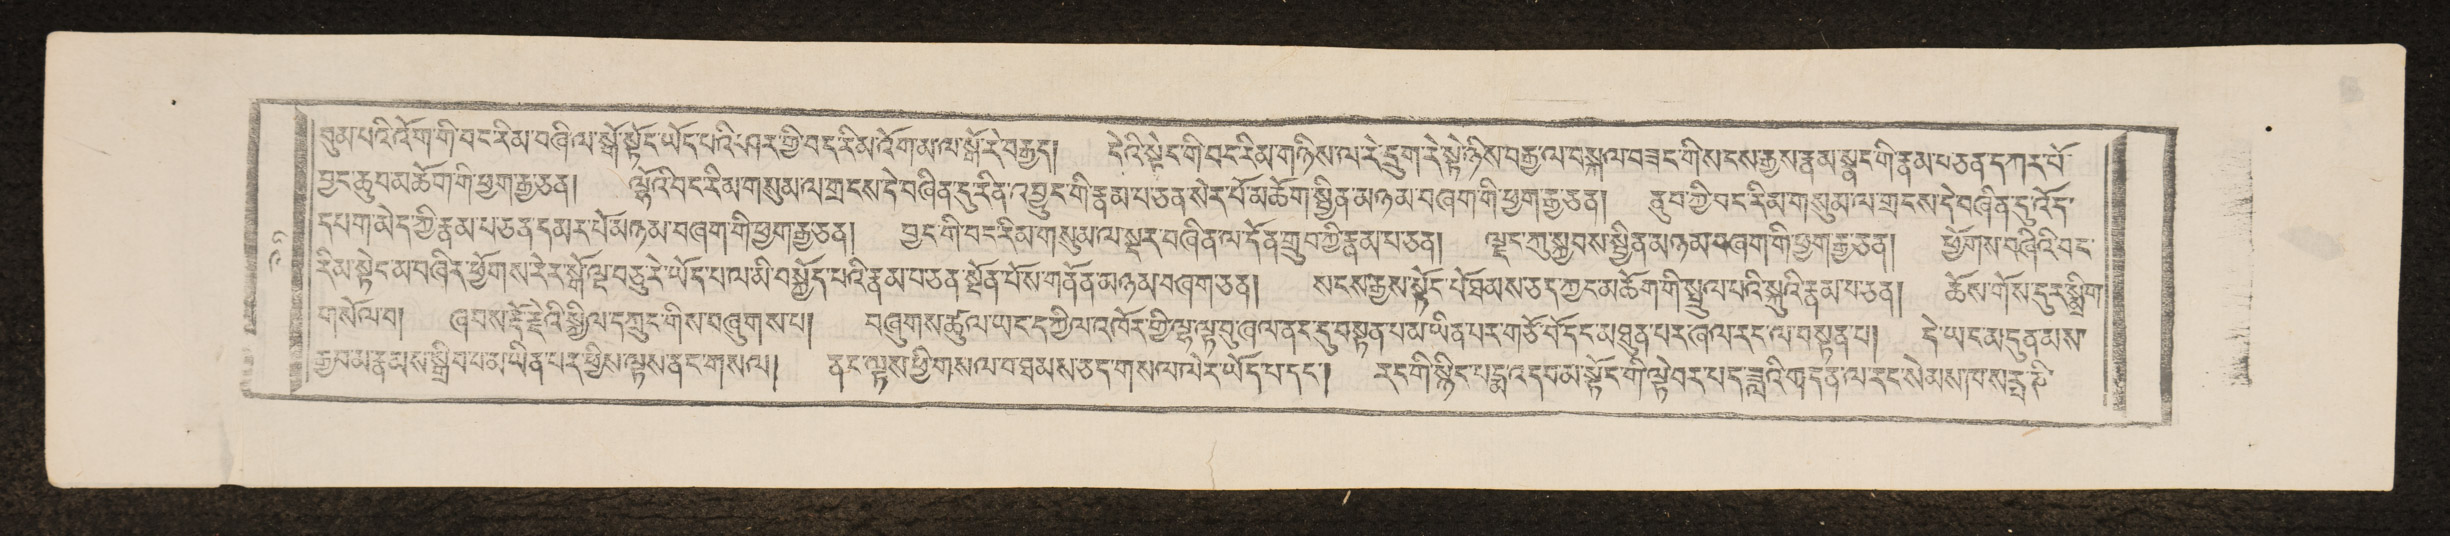བུམ་པའི་འོག་གི་བང་རིམ་བཞི་ལ་སྒོ་སྟོང་ཡོད་པའི་ཤར་གྱི་བང་རིམ་འོག་མ་ལ་སྒོ་རེ་བརྒྱད། དེའི་སྟེང་གི་བང་རིམ་གཉིས་ལ་རེ་དྲུག་རེ་སྟེ་ཉིས་བརྒྱ་ལ་བསྐལ་བཟང་གི་སངས་རྒྱས་རྣམ་སྣང་གི་རྣམ་པ་ཅན?་དཀར་པོ་
བྱང་ཆུབ་མཆོག་གི་ཕྱག་རྒྱ་ཅན། ལྷོའི་བང་རིམ་གསུམ་ལ་གྲངས་དེ་བཞིན་དུ་རིན་འབྱུང་གི་རྣམ་པ་ཅན་སེར་པོ་མཆོག་སྦྱིན་མཉམ་བཞག་གི་ཕྱག་རྒྱ་ཅན། ནུབ་ཀྱི་བང་རིམ་གསུམ་ལ་གྲངས་དེ་བཞིན་དུ་འོད་
དཔག་མེད་ཀྱི་རྣམ་པ་ཅན་དམར་པོ་མཉམ་བཞག་གི་ཕྱག་རྒྱ་ཅན། བྱང་གི་བང་རིམ་གསུམ་ལ་སྔར་བཞིན་ལ་དོན་གྲུབ་ཀྱི་རྣམ་པ་ཅན། ལྗང་ཀུ་སྐྱབས་སྦྱིན་མཉམ་བཞག་གི་ཕྱག་རྒྱ་ཅན། ཕྱོགས་བཞིའི་བང་
རིམ་སྟེང་མ་བཞིར་ཕྱོགས་རེར་སྒོ་ལྔ་བཅུ་རེ་ཡོད་པ་ལ་མི་བསྐྱོད་པའི་རྣམ་པ་ཅན་སྔོན་པོ་ས་གནོན་མཉམ་བཞག་ཅན། སངས་རྒྱས་སྟོང་པོ་ཐམས་ཅད་ཀྱང་མཆོག་གི་སྤྲུལ་པའི་སྐུའི་རྣམ་པ་ཅན། ཆོས་གོས་དུར་སྨྲིག་
གསོལ་བ། ཞབས་རྡོ་རྗེའི་སྐྱིལ་དཀྲུང་གིས་བཞུགས་པ། བཞུགས་ཚུལ་ཡང་དཀྱིལ་འཁོར་གྱི་ལྷ་ལྟ་བུ་ཞལ་ནང་དུ་བསྟན་པ་མ་ཡིན་པར་གཙོ་བོ་དང་མཐུན་བར་ཞལ་རང་ལ་བསྟན་པ། དེ་ཡང་མདུན་མས་
?མྱ་?་རྣམས་སྒྲིབ་བ་མ་ཡིན་པར་ཕྱིས་སྟན་ནང་གསལ། ནང་ལྟས་ཕྱི་གསལ་བ་ཐམས་ཅད་གསལ་ལེར་ཡོད་པ་དང་། རང་གི་སྙིང་པདམ་འདབ་མ་སྟོང་གི་ལྟེ་བར་པད་ཟླའི་གདན་ལ་རང་སེམས་ཁ་སརྤ་ཎི་